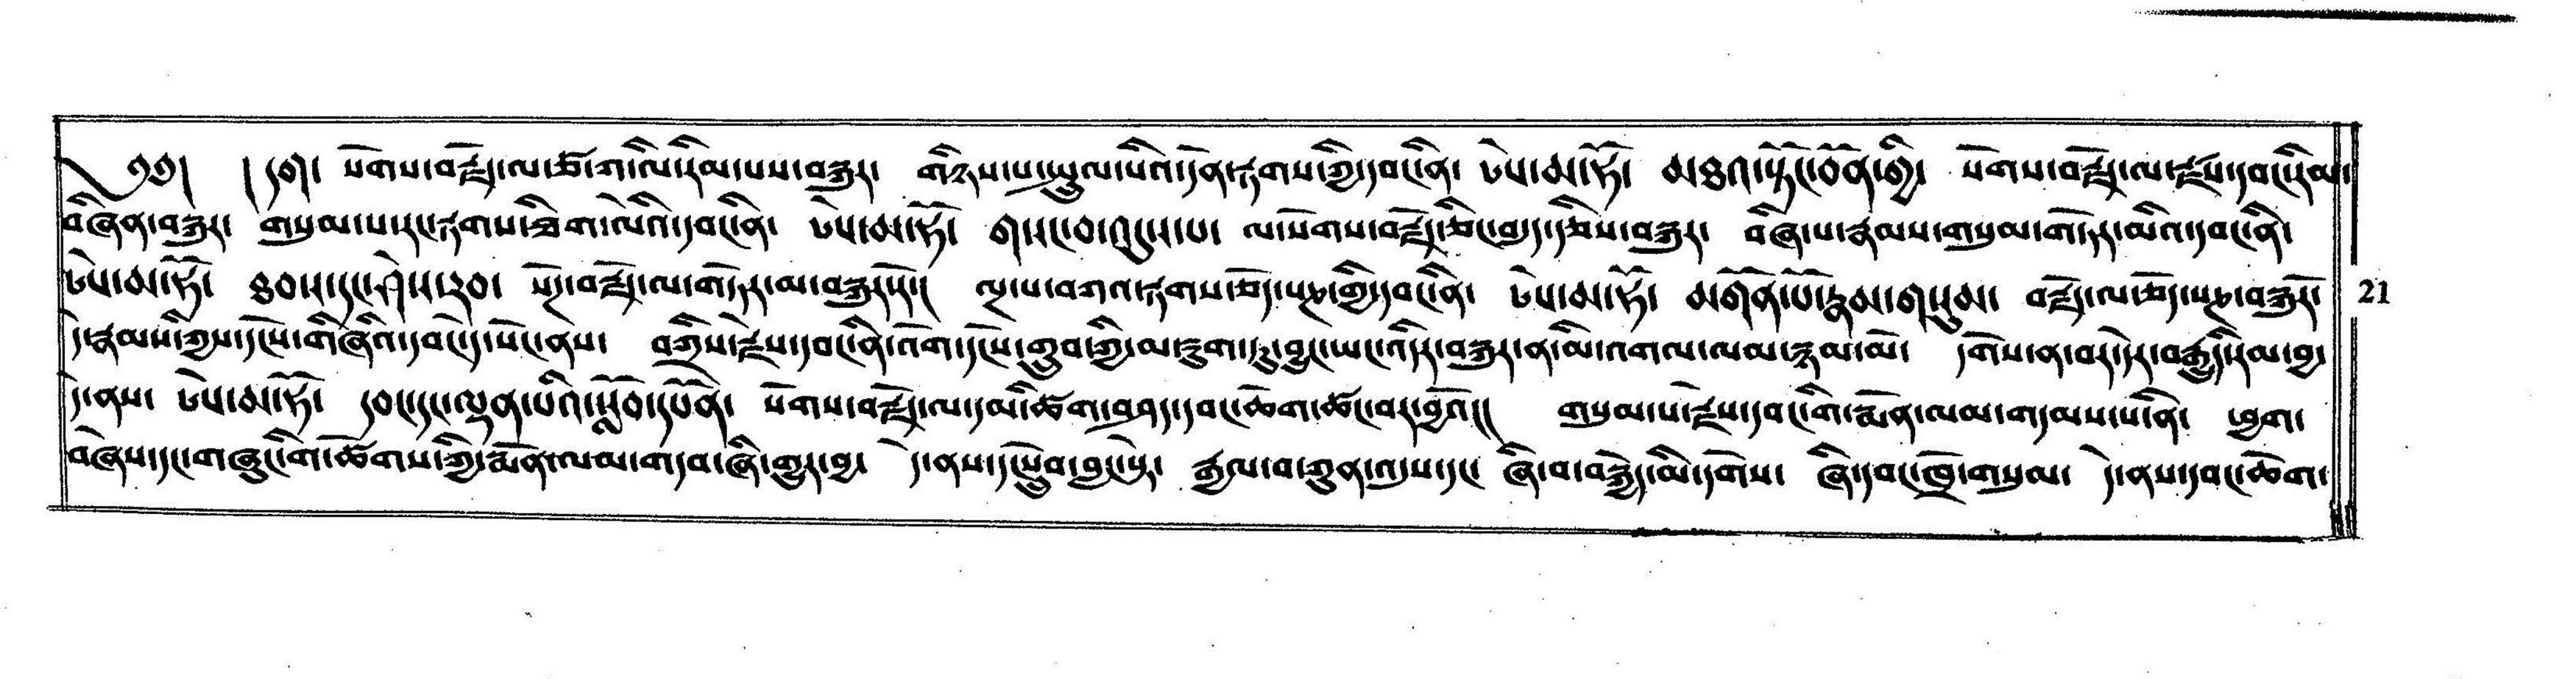དག་སོགས་བརྗོད་ལ་ཙ་ཀ་ལི་རིམ་པས་བསྐུར་གཉིས་པ་སྤྲུལ་པའི་དོན་རྟགས་ཀྱི་དབང་ནི་ཨེ་མ་ཧོ་མཐའ་སྟོང་བོན་གྱི་སོགས་བརྗོད་ལ་རྫས་དབང་རིམ་
བཞིན་བསྐུར། གསུམ་པ་རང་རྟགས་ཐིག་ལེའི་དབང་ནི་ཨེ་མ་ཧོ་གསང་བ་འདུས་པ་ལ་སོགས་བརྗོད་ཅིང་བདུད་རྩིས་བསྐུར་བཞི་པ་རྣམས་གསུམ་གཏོར་མའི་དབང་ནི་
ཨེ་མ་ཧོ་ཐབས་དང་ཤེས་རབ་སོགས་བརྗོད་ལ་གཏོར་མ་བསྐུར་རོ། ལྔ་པ་བཀའ་རྟགས་ཅོད་པཎ་གྱི་དབང་ནི་ཨེ་མ་ཧོ་མགོན་པོ་རྣམ་གསུམ་བརྗོད་ལ་ཅོད་པཎ་བསྐུར་རོ་
དེ་རྣམས་ཀྱིས་དངོས་གཞིའི་དབང་དེ་སོང་ནས་བཀྲ་ཤིས་རྗེས་དབང་ནི་འོག་དངོས་གྲུབ་གྱི་མཇུག་ཏུ་བྱུང་ཡང་འདིར་བསྐུར་ན་མི་འགལ་ལམ་སྙམ་མོ། དགོས་ན་བར་དེར་བརྒྱུད་རིམ་བྱ་
དེ་ནས་ཨེ་མ་ཧོ་དབང་དང་ལྡན་པའི་སློབ་དཔོན་སོགས་བརྗོད་ལ་དམ་ཚིག་བཤད་དབང་ཆོག་ཚང་བར་བྱའོ།།གསུམ་པ་རྗེས་དབང་གི་སྨོན་ལམ་གདམས་པ་ནི་ཕྱག་
བཞེས་དང་གཞུང་གི་ཚོགས་ཀྱི་སྨོན་ལམ་གདབ་ཞི་གྱུར་བྱ་དེ་ནས་དངོས་གྲུབ་བླང་སྟེ་རྒྱལ་བ་ཀུན་འདུས་དང་ཞི་བ་བསྐྱེད་མི་དགོས་ཞི་དབང་ཁྲོ་གསུམ་དེ་ནས་དབང་ཆོག་